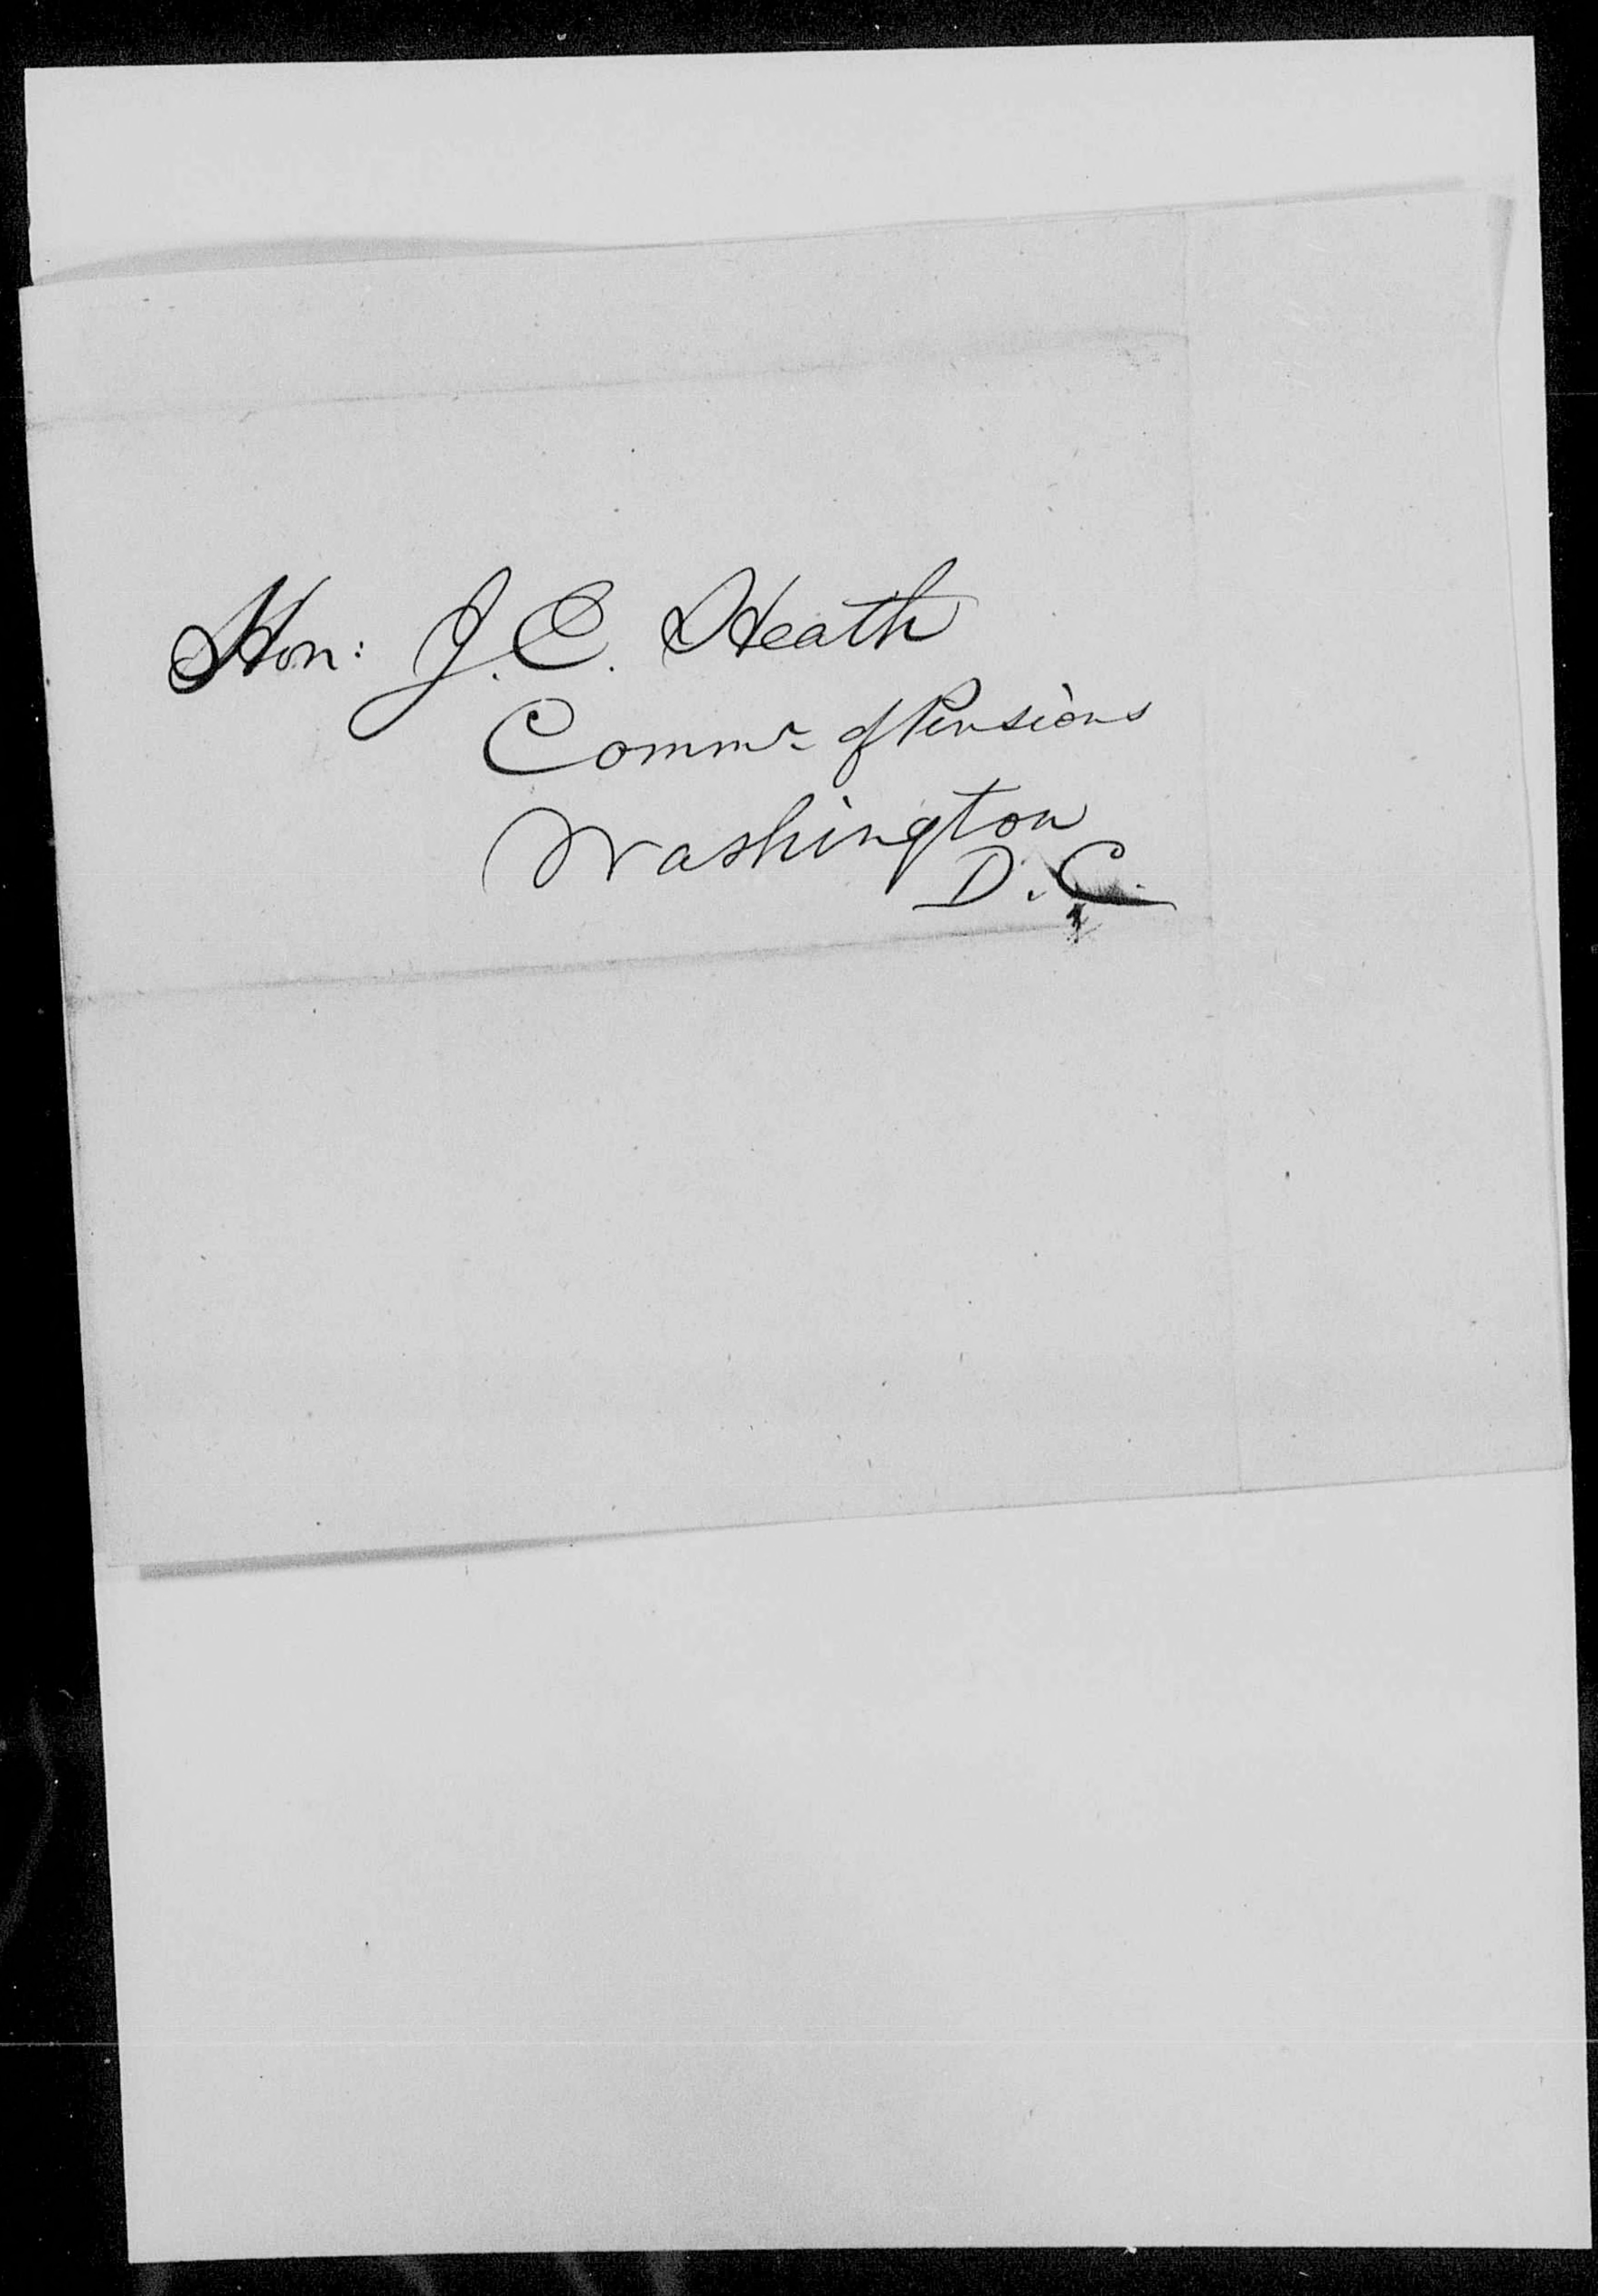Hon: J.E. Heath
Commr of Pensions
Washington D.C.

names: J E Heath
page: 33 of 51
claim: survivor's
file: S. 12563, Severinus Cook, New York